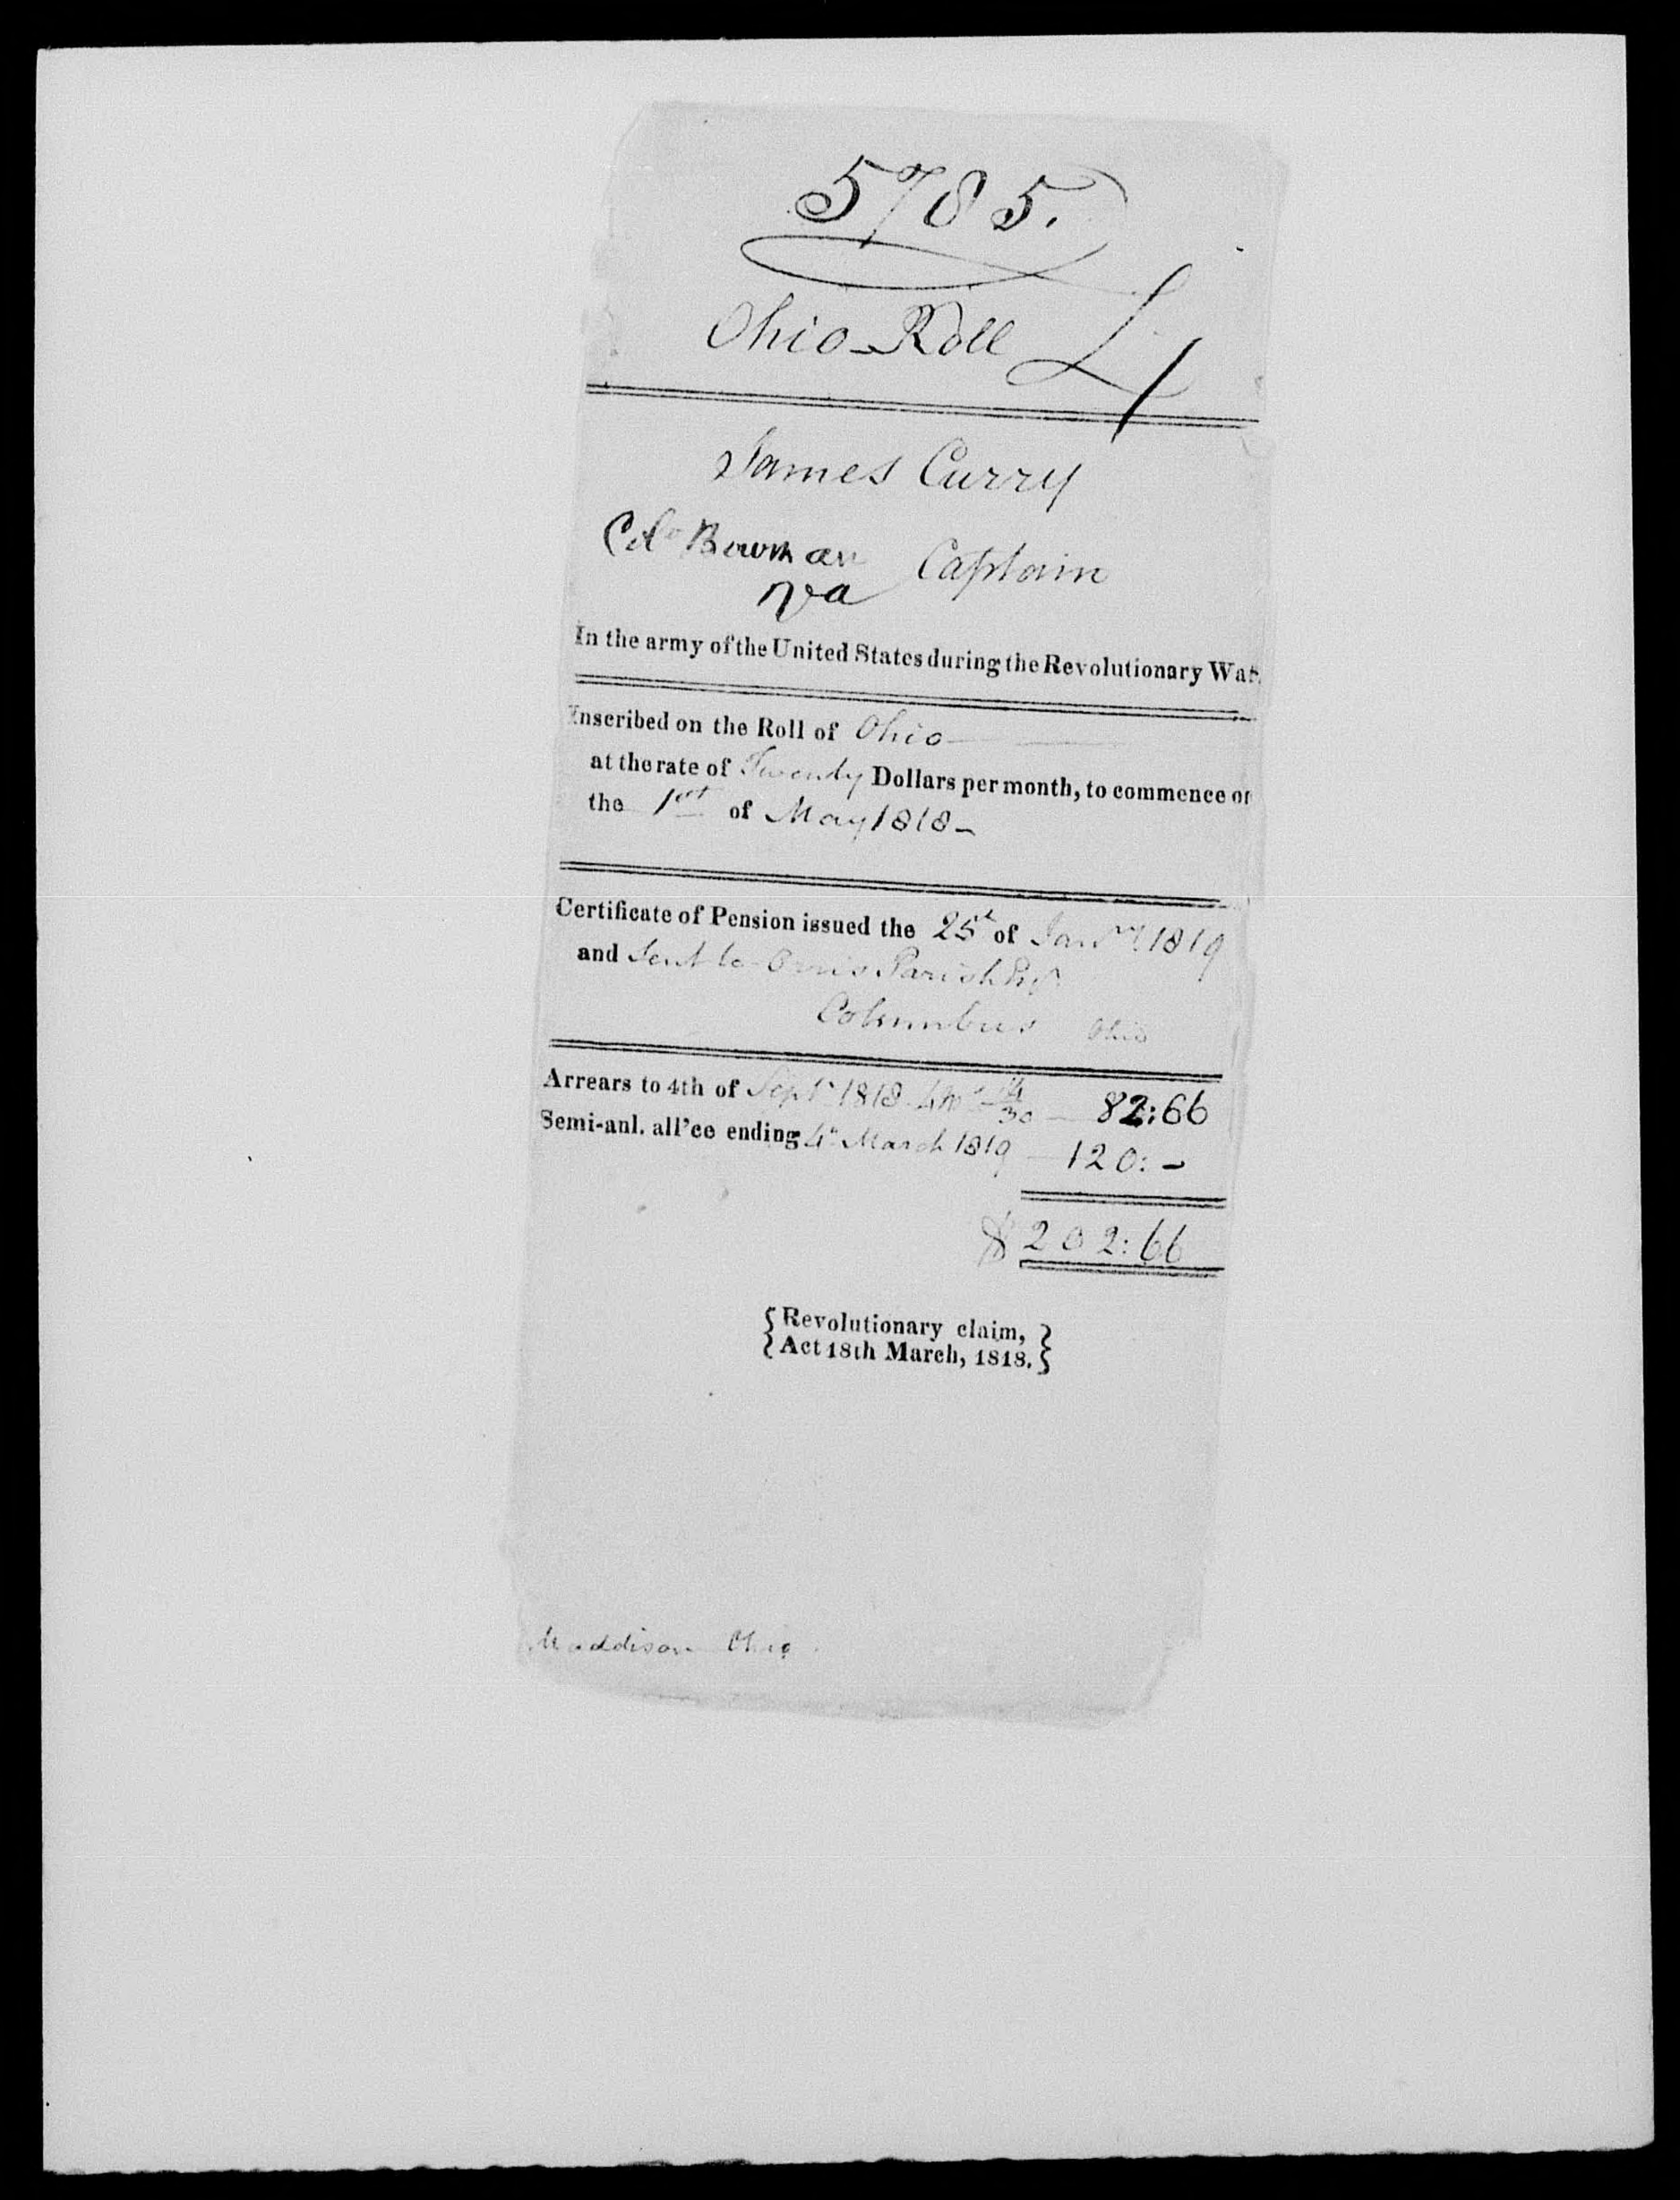5785
Ohio Roll

James Curry
Col. Bowman Captain
Va 
In the army of the United States during the Revolutionary War.
Inscribed on the Roll of Ohio
at the rate of Twenty Dollars per month, to commence on
the 1st of May 1818-

Certificate of Pension issued the 25th of Jan 1819
and sent to [illegible] Parish
Columbus Ohio

Arrears to 4th of Sept 1818 [illegible] 82:66
Semi-anl. all'ce ending 4 March 1819
120: -
$202.66

{Revolutionary claim,
Act 18th March, 1818.}

Maddison Ohio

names: Bowman, James Curry, Orris Parish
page: 2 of 32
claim: survivor's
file: S. 44230, James Curry, Va.